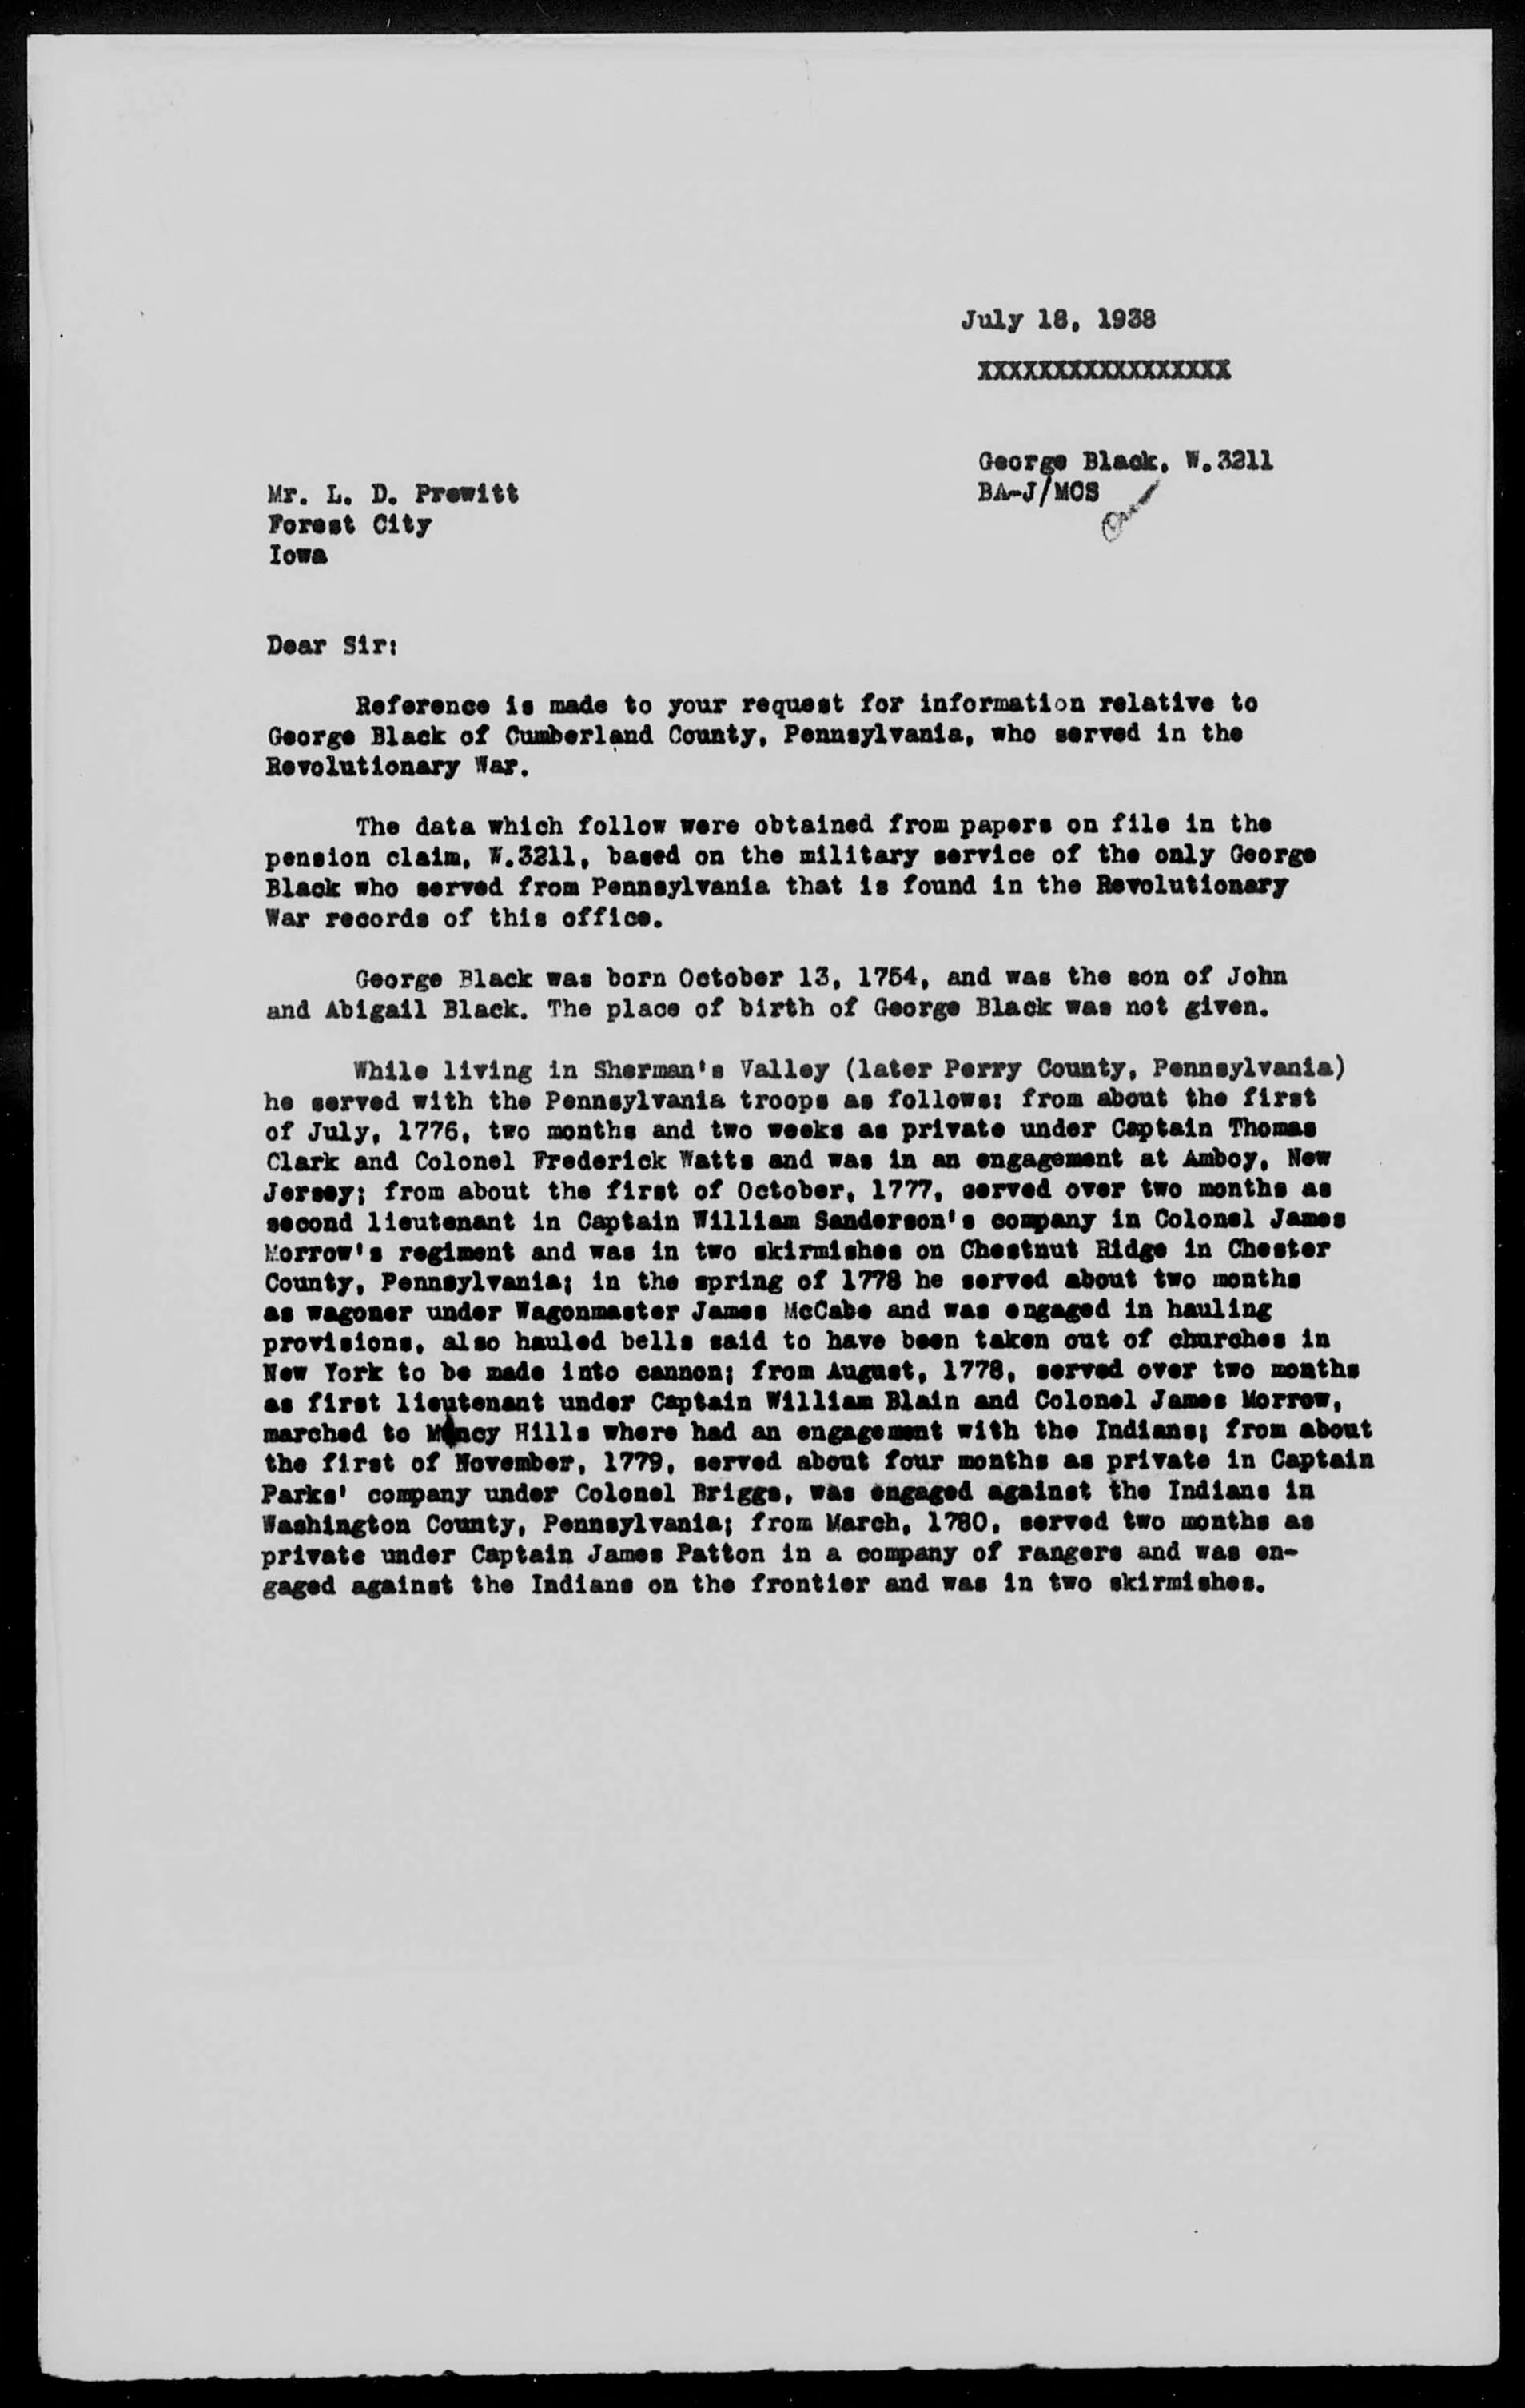July 18, 1938
XXXXXXXXXXXXXXXXX
Mr. L. D. Prewitt      George Black, W. 3211
Forest City               BA-J/MOS

Dear Sir:
Reference is made to your request for information relative to George Black of Cumberland County, Pennsylvania, who served in the Revolutionary War.

The data which follow were obtained from papers on file in the pension claim, W.3211, based on the military service of the only George Black who served from Pennsylvania that is found in the Revolutionary War records of this office.

George Black was born October 13, 1754, and was the son of John and Abigail Black.  The place of birth of George Black was not given.

While living in Sherman's Valley (later Perry County, Pennsylvania) he served with the Pennsylvania troops as follows:  from about the first of July, 1776, two months and two weeks as private under Captain Thomas Clark and Colonel Frederick Watts and was in an engagement at Amboy, New Jersey; from about the first of October, 1777, served over two months as second lieutenant in Captain William Sanderson's company in Colonel James Morrow's regiment and was in two skirmishes on Chestnut Ridge in Chester County, Pennsylvania; in the spring of 1778 he served about two months as wagoner under Wagonmaster James McCabe and was engaged in hauling provisions, also hauled bells said to have been taken out of churches in New York to be made into cannon; from August, 1778, served over two months as first lieutenant under Captain William Blain and Colonel James Morrow, marched to Muncy Hills where had an engagement with the Indians; from about the first of November, 1779, served about four months as private in Captain Parks' company under Colonel Briggs, was engaged against the Indians in Washington County, Pennsylvania; from March, 1780, served two months as private under Captain James Patton in a company of rangers and was engaged against the Indians on the frontier and was in two skirmishes.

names: Thomas Clark, Frederick Watts, George Black, George Black, George Black, Abigail Black, George Black, James Patton, John Black, William Blain, James Morrow, Briggs, L D Prewitt, George Black, James Mc Cabe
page: 20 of 30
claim: widow's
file: W. 3211, George Black, Penn.